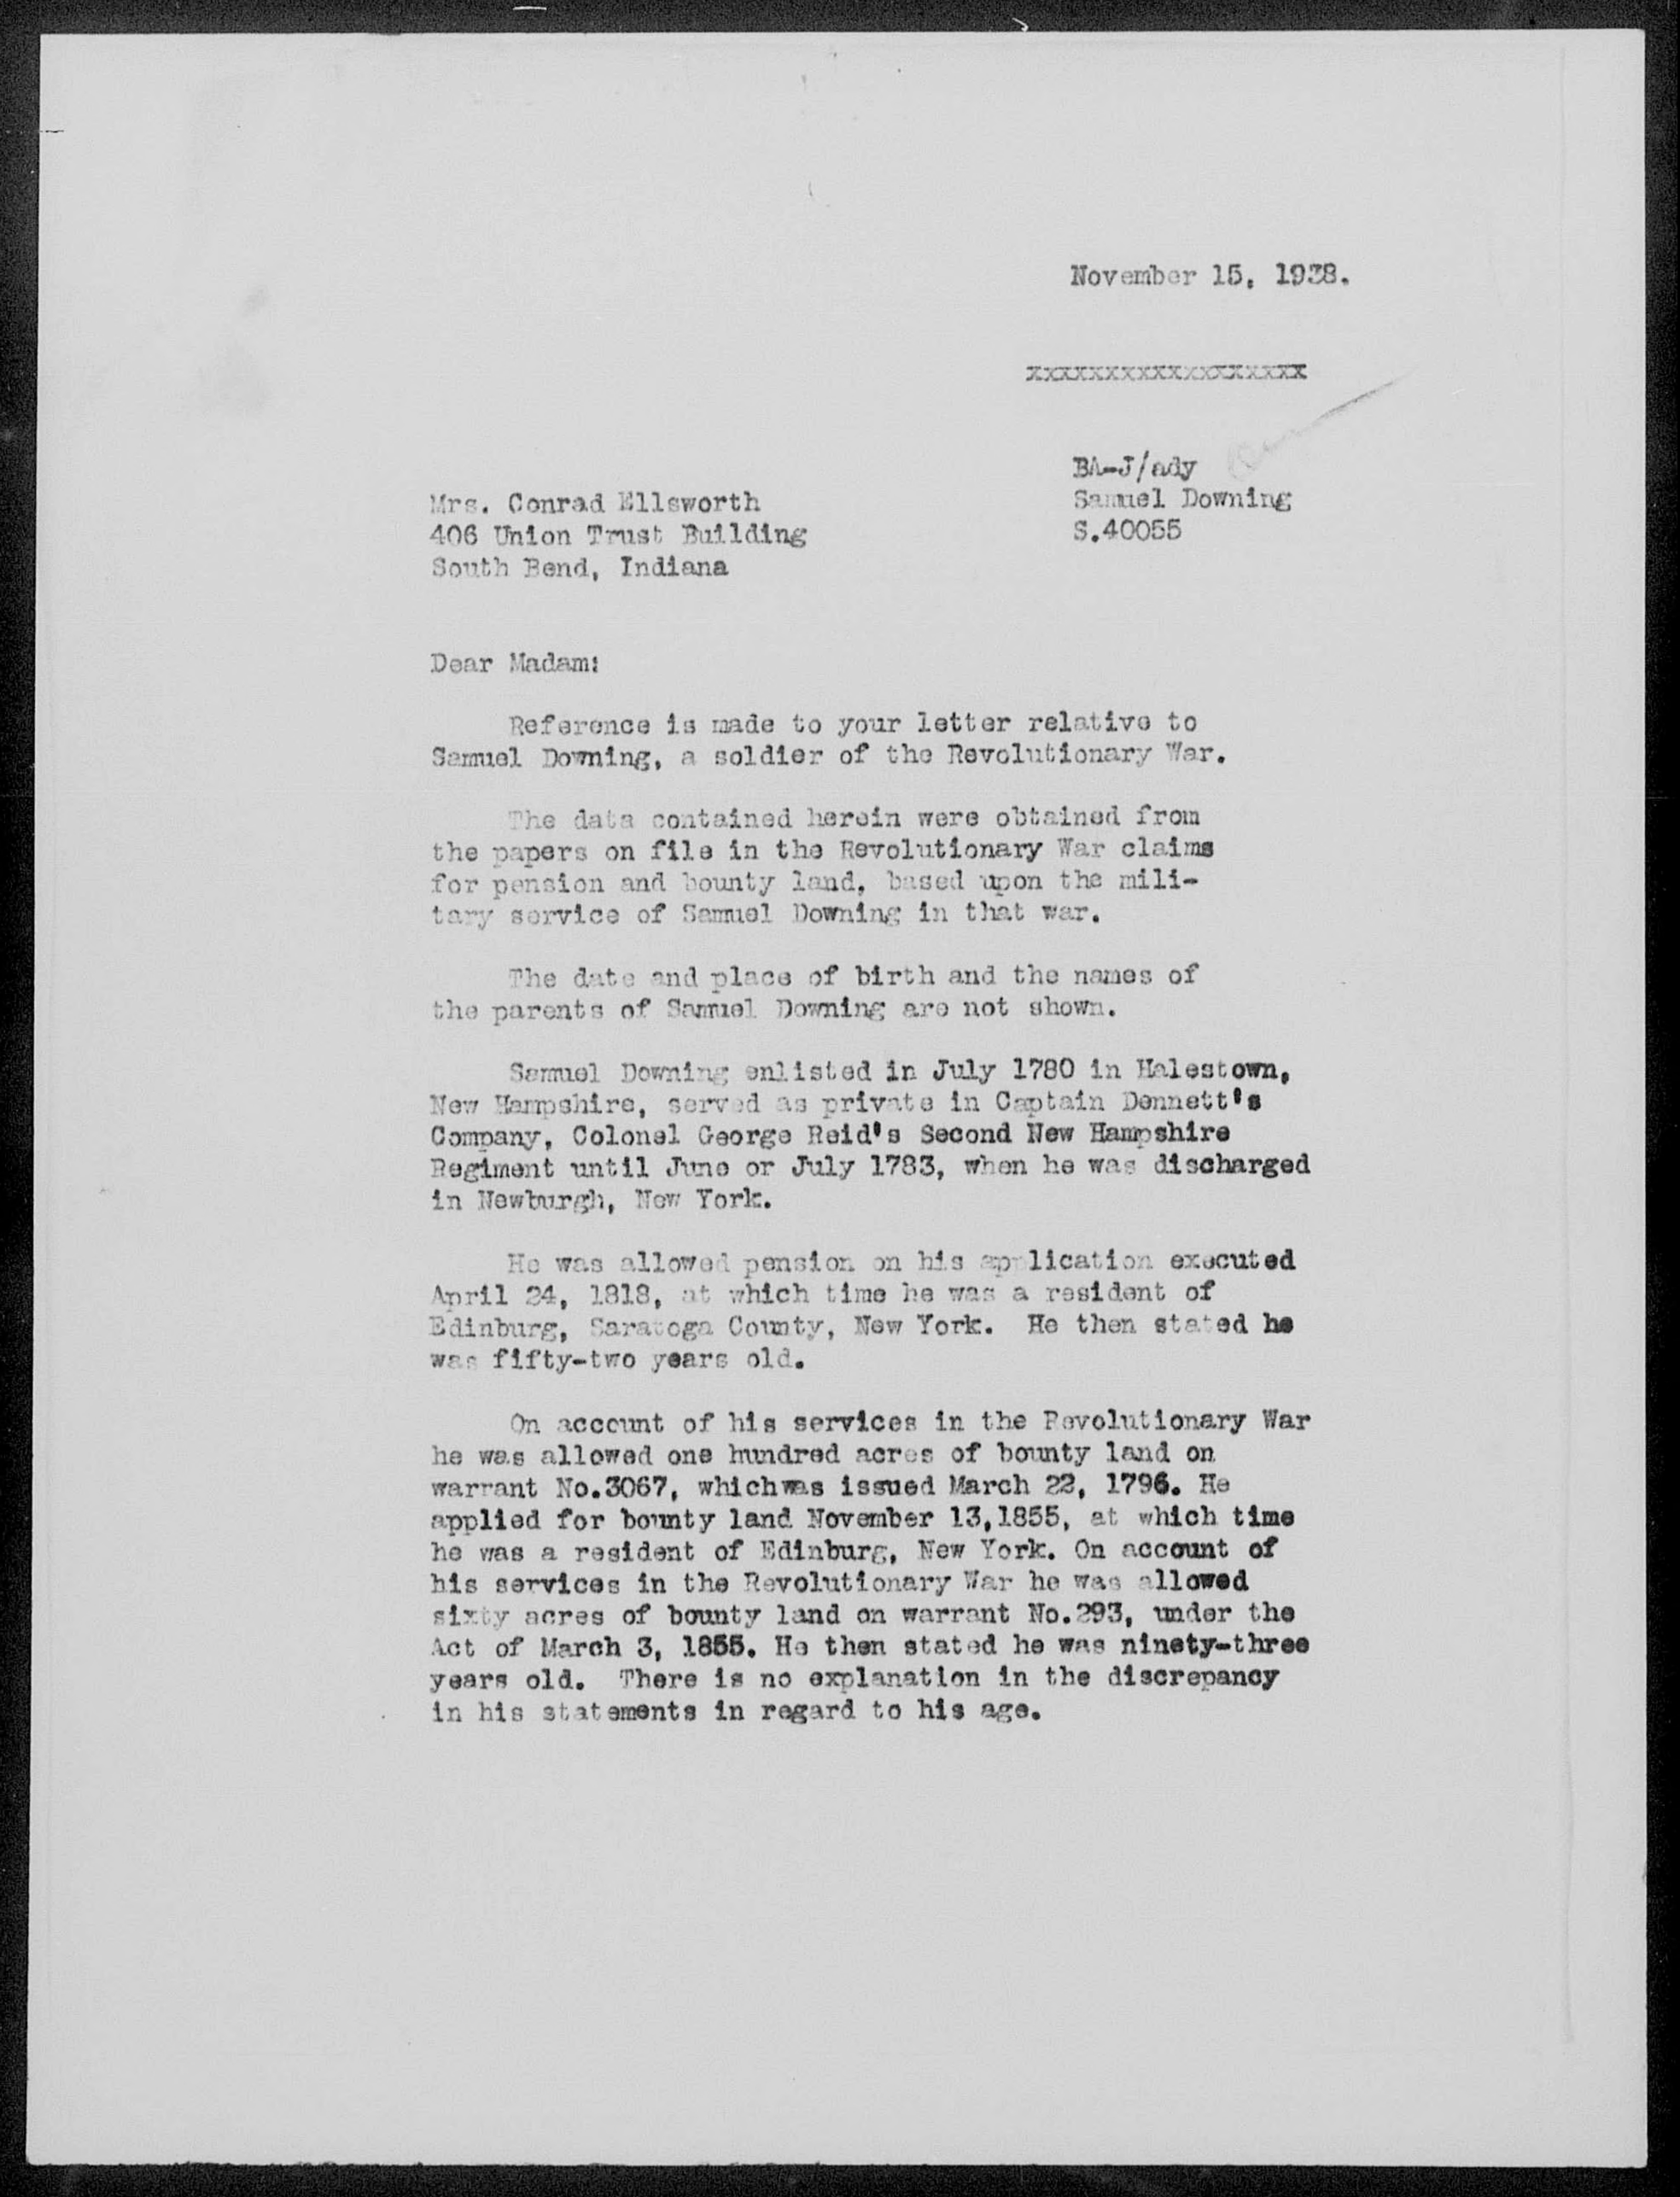November 15, 1938.
Mrs. Conrad Ellsworth         
406 Union Trust Building    
South Bend, Indiana 
BA-J/ady
Samuel Downing
S.40055
Dear Madam:
Reference is made to your letter relative to Samuel Downing, a soldier of the Revolutionary War.
The data contained herein were obtained from the papers on file in the Revolutionary War claims for pension and bounty land, based upon the military service Samuel Downing in that war.
The date and place of birth and the names of the parents of Samuel Downing are not shown.
Samuel Downing enlisted in July 1780 in Halestown, New Hampshire, served as private in Captain Dennett’s Company, Colonel Reid’s Second New Hampshire Regiment until June or July 1783, when he was discharged in Newburgh, New York.
He was allowed pension on his application executed April 24, 1818, at which time he was a resident of Edinburg, Saratoga County, New York. He then stated he was fifty-two years old.
On account of his service in the Revolutionary War he was allowed one hundred acres of bounty land on warrant No.3067, which was issued March 13, 1855, at which time he was a resident of Edinburg, New York. On account of his services in the Revolutionary War he was allowed sixty acres of bounty land on warrant No.293, under the Act of March 3, 1855. He then stated he was ninety-three years old. There is no explanation in the discrepancy in his statements in regard to his age.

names: Samuel Downing, Samuel Downing, Samuel Downing, Samuel Downing, Samuel Downing, Conrad Ellsworth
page: 12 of 56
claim: survivor's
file: S. 40,055, Samuel Downing, N.H.